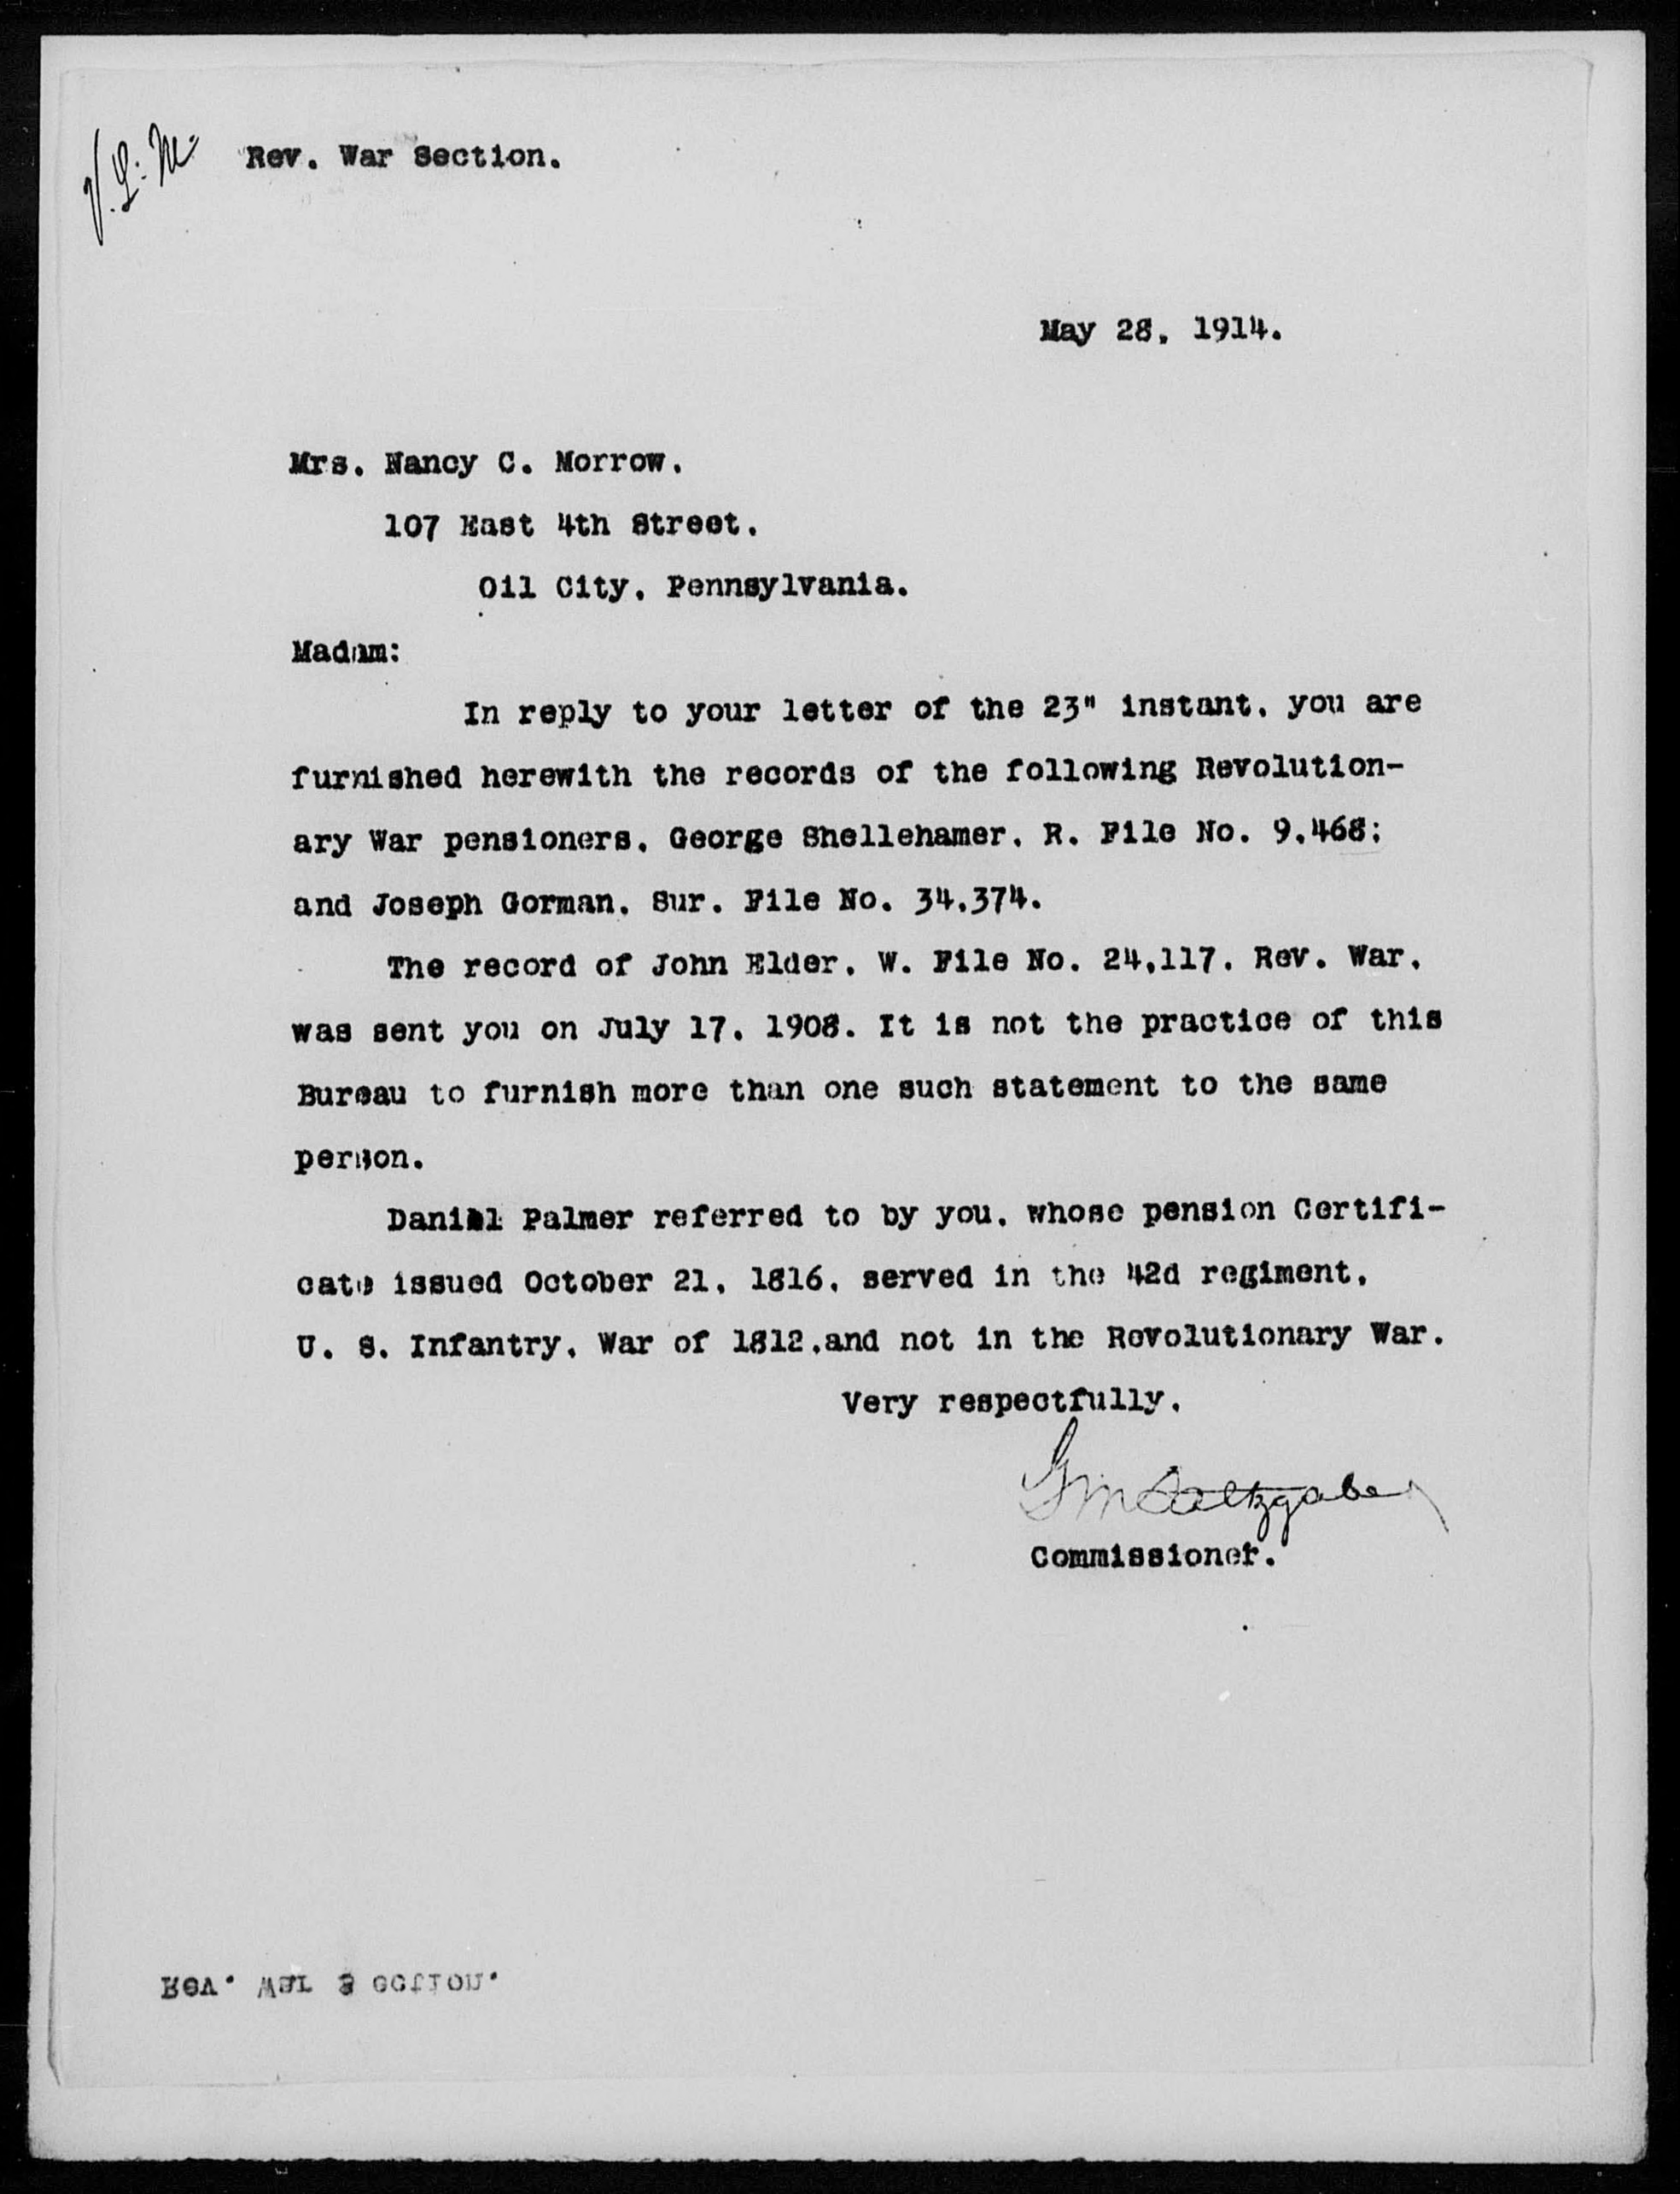[Handwritten initials V.L.M in corner]

Rev. War Section. May 28, 1914.

Mrs. Nancy C. Morrow, 107 East 4th Street, Oil City, Pennsylvania.
Madam: In reply to your letter of the 23" instant, you are furnished herewith the records of the following Revolutionary War pensioners, George Shellehamer, R. File No. 9,468; and Joseph Gorman, Sur. File No. 34,374. The record of John Elder, W. File No. 24,117, Rev. War, was sent you on July 17, 1908. It is not the practice of this Bureau to furnish more than one such statement to the same person. Daniel Palmer referred to by you, whose pension Certificate issued October 21, 1816, served in the 42nd regiment, U. S. Infantry, War of 1812, and not in the Revolutionary War. Very respectfully, [illegible signature] Commissioner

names: John Elder, Joseph Gorman, G M Saltzgaber, George Shellehamer, Nancy C Morrow, Daniel Palmer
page: 65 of 80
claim: widow's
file: W. 24117, John Elder, Penn.